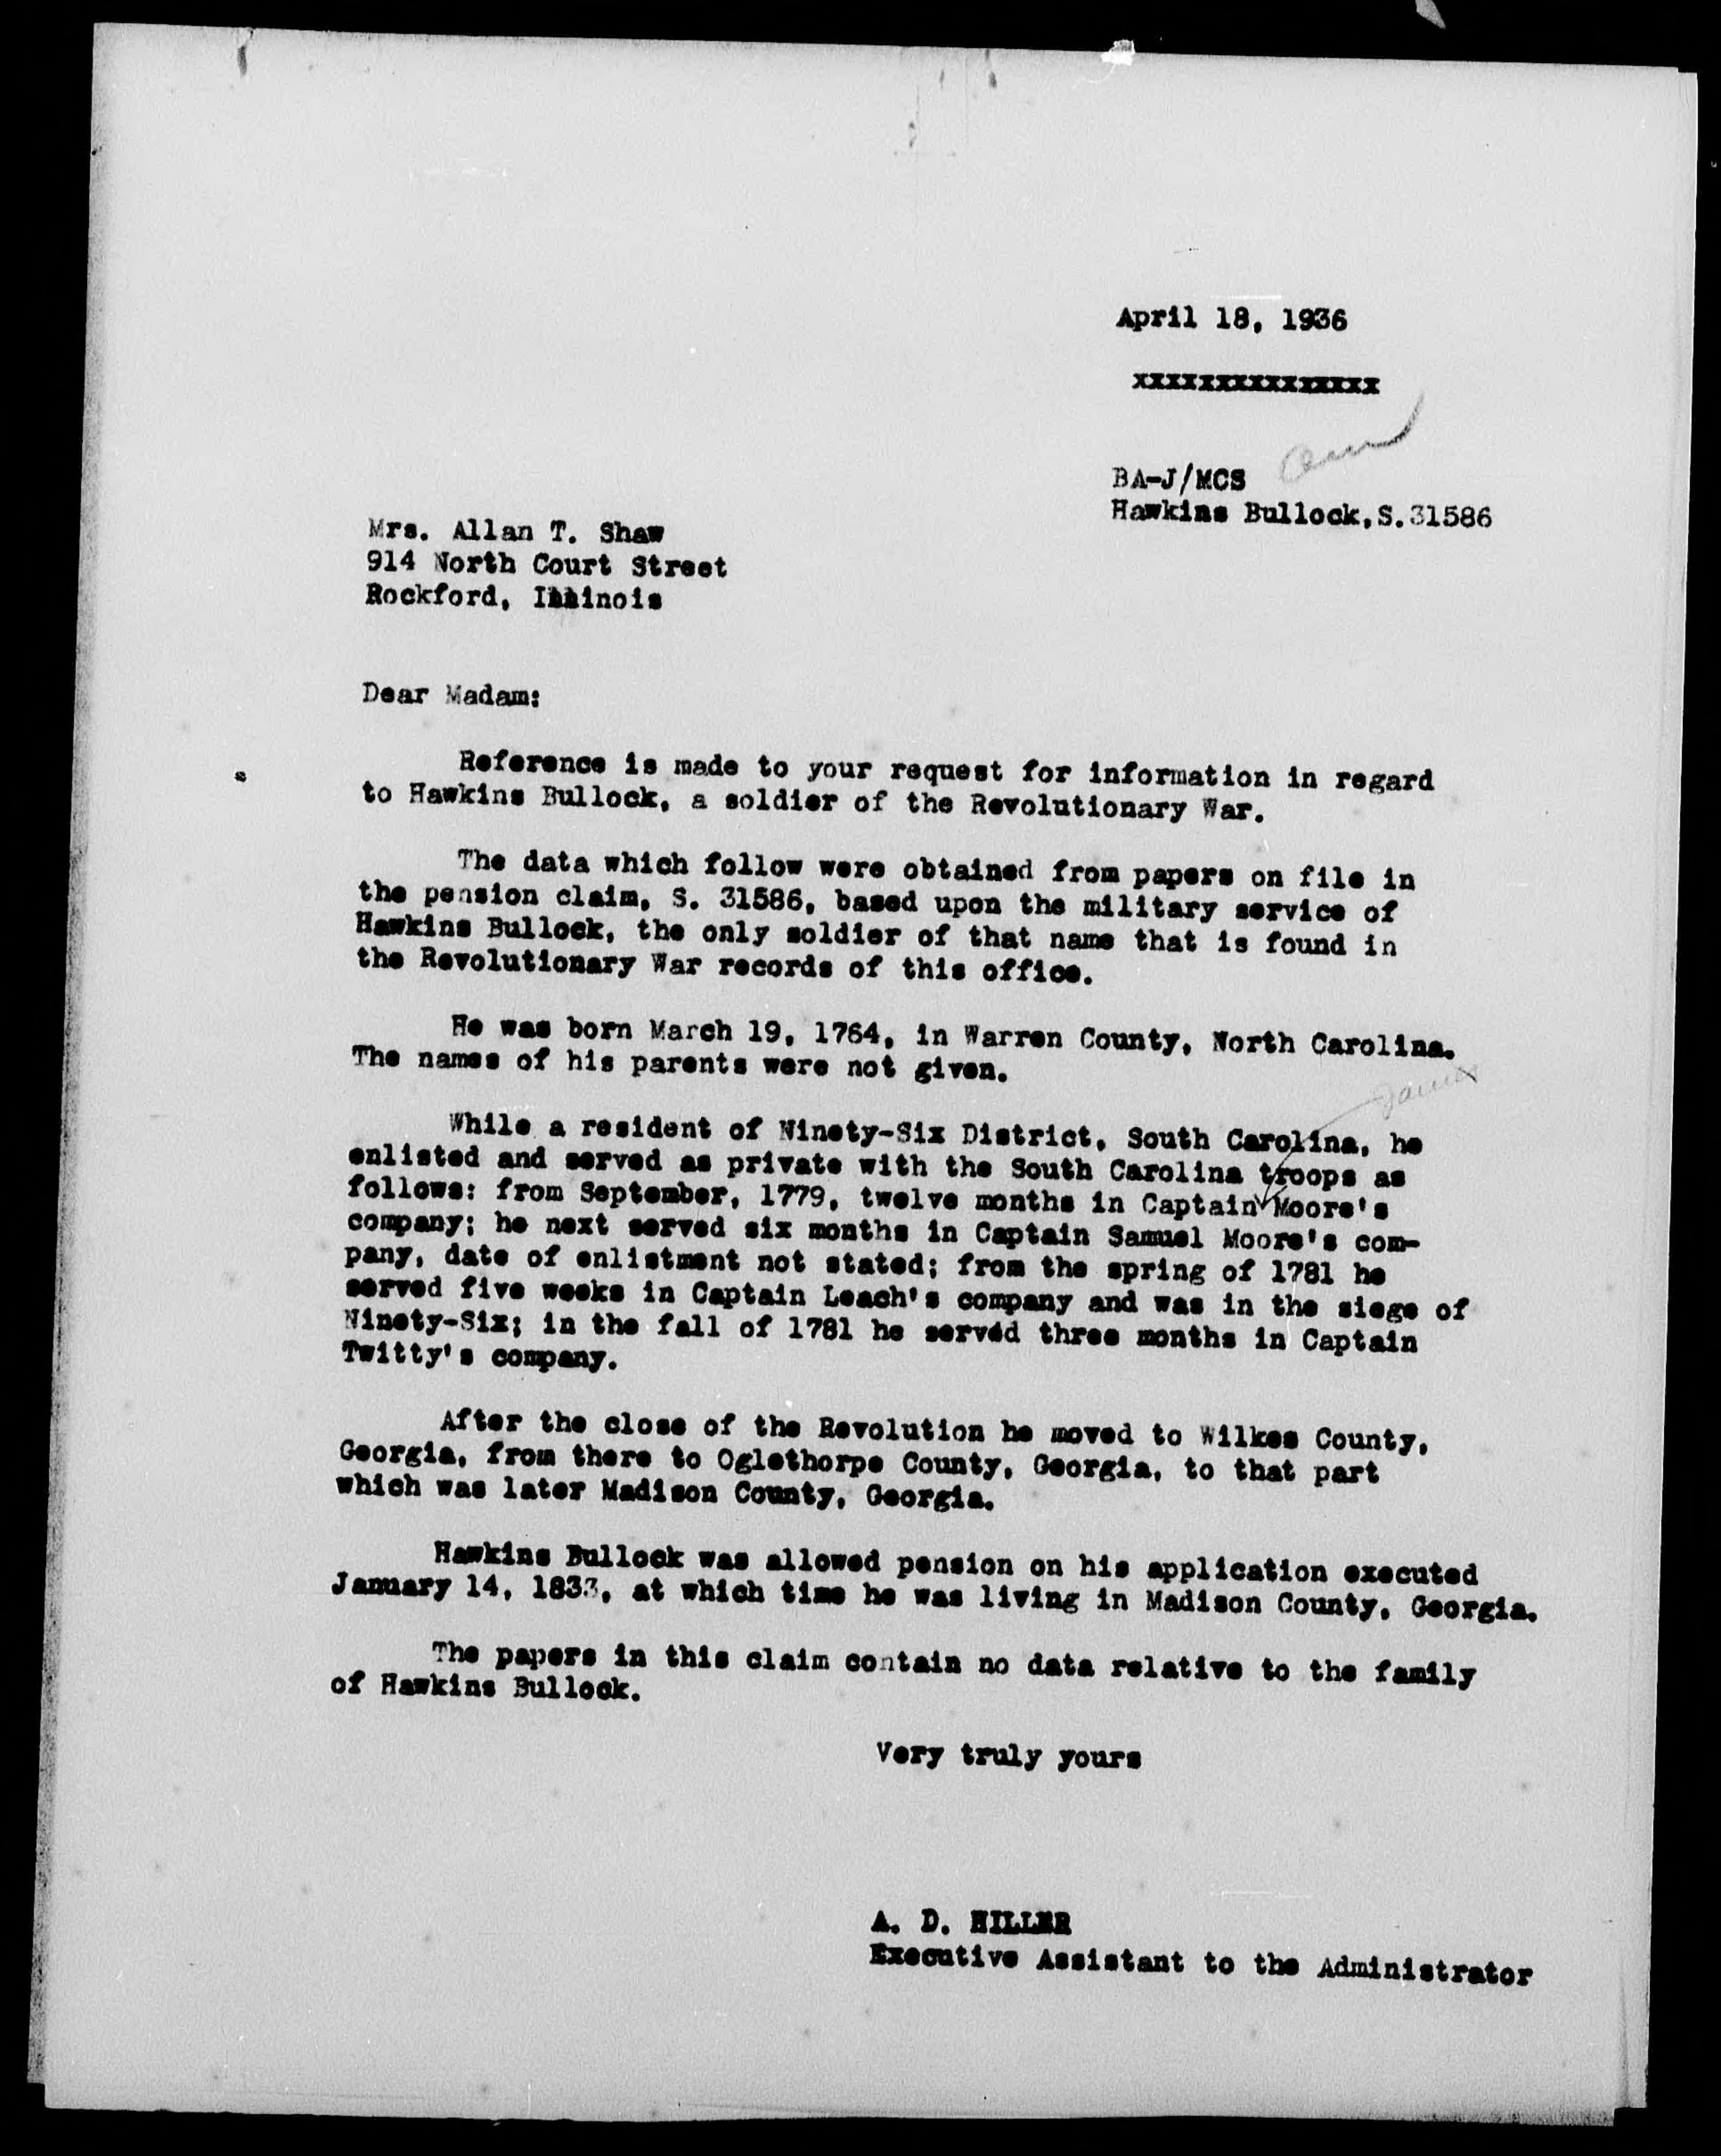April 18, 1936
XXX
BA-J/MCS
Hawkins Bullock, S. 31586

Mrs. Allan T. Shaw
914 North Court Street
Rockford, Illinois

Dear Madam:
Reference is made to your request for information in regard to Hawkins Bullock, a soldier of the Revolutionary War.
The data which follow were obtained from papers on file in the pension claim, S. 31586, based upon the military service of Hawkins Bullock, the only soldier of that name that is found in the Revolutionary War records of this office.
He was born March 19, 1764, in Warren County, North Carolina. The names of his parents were not given.
While a resident of Ninety-Six District, South Carolina, he enlisted and served as private with the South Carolina troops as follows: from September, 1779, twelve months in Captain James Moore's company; he next served six months in Captain Samuel Moore's company, date of enlistment not stated; from the spring of 1781 he served five weeks in Captain Leach's company and was in the siege of Ninety-Six; in the fall of 1781 he served three months in Captain Twitty's company.
After the close of the Revolution he moved to Wilkes County, Georgia, from there to Oglethorpe County, Georgia, to that part which was later Madison County, Georgia.
Hawkins Bullock was allowed pension on his application executed January 14, 1833, at which time he was living in Madison County, Georgia
The papers in this claim contain no data relative to the family of Hawkins Bullock.
Very truly yours
A. D. HILLER
Executive Assistant to the Administrator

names: Allan T Shaw, Hawkins Bullock, Hawkins Bullock, A D Hiller, Hawkins Bullock, Hawkins Bullock, Hawkins Bullock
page: 11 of 24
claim: survivor's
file: S. 31,586, Hawkins Bullock, S.C.